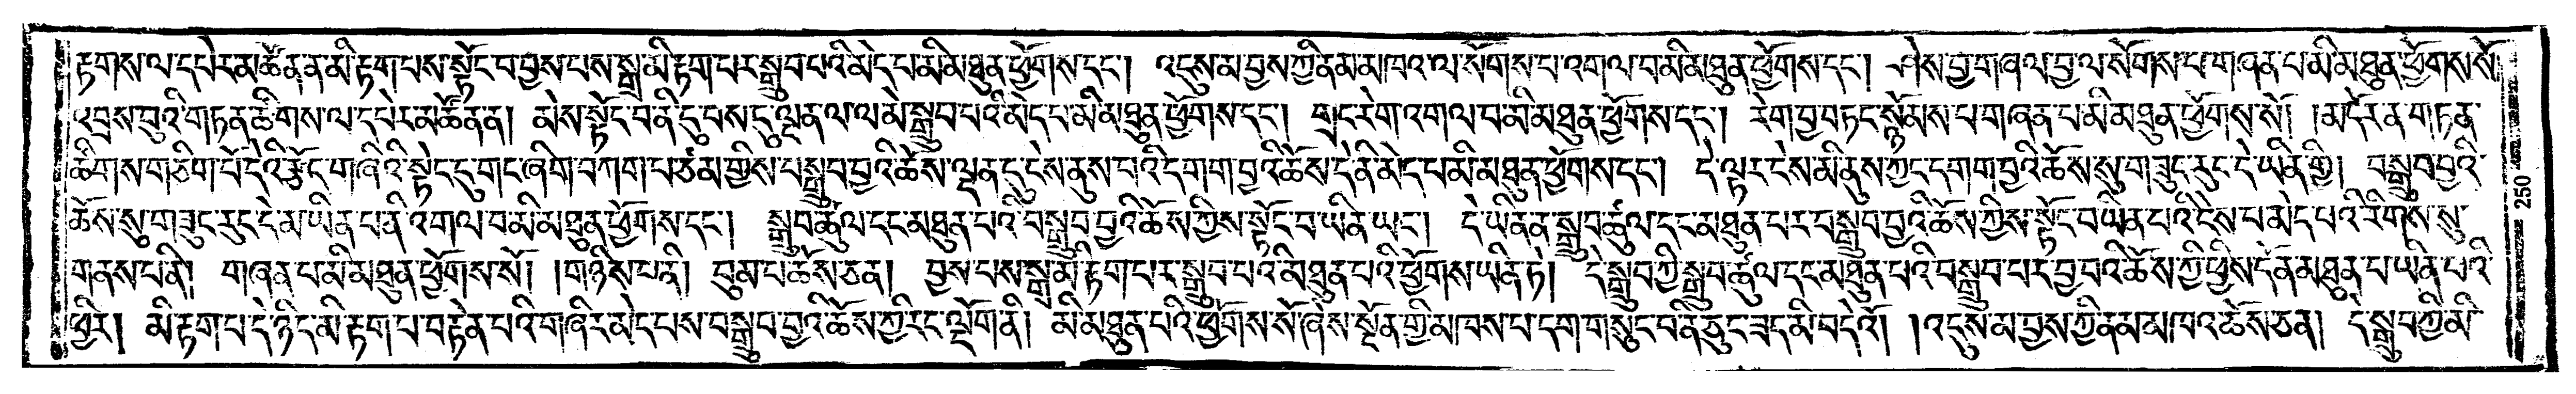རྟགས་ལ་དཔེར་མཚོན་ན་མི་རྟག་པས་སྟོང་བ་བྱས་པས་སྒྲ་མི་རྟག་པར་སྒྲུབ་པའི་མེད་པ་མི་མཐུན་ཕྱོགས་དང་། འདུས་མ་བྱས་ཀྱི་ནམ་མཁའ་ལ་སོགས་པ་འགལ་བ་མི་མཐུན་ཕྱོགས་དང་། ཤེས་བྱ་གཞལ་བྱ་ལ་སོགས་པ་གཞན་པ་མི་མཐུན་ཕྱོགས་སོ་
འབྲས་བུའི་གཏན་ཚིགས་ལ་དཔེར་མཚོན་ན། མེས་སྟོང་བ་ནི་དུ་བས་དུ་ལྡན་ལ་ལ་མེ་སྒྲུབ་པའི་མེད་པ་མི་མཐུན་ཕྱོགས་དང་། གྲང་རེག་འགལ་བ་མི་མཐུན་ཕྱོགས་དང་། རེག་བྱ་བཏང་སྙོམས་པ་གཞན་པ་མི་མཐུན་ཕྱོགས་སོ། །མདོར་ན་གཏན་
ཚིགས་གཅིག་པོ་དེའི་རྩོད་གཞིའི་སྟེང་དུ་གང་ཞིག་བཀག་པ་ཙམ་གྱིས་བསྒྲུབ་བྱའི་ཆོས་ལྡན་དུ་ངེས་ནུས་པའི་དགག་བྱའི་ཆོས་དེ་ནི་མེད་པ་མི་མཐུན་ཕྱོགས་དང་། དེ་ལྟར་ངེས་མི་ནུས་ཀྱང་དགག་བྱའི་ཆོས་སུ་གཟུང་རུང་དེ་ཡིན་གྱི། བསྒྲུབ་བྱའི་
ཆོས་སུ་གཟུང་རུང་དེ་མ་ཡིན་པ་ནི་འགལ་བ་མི་མཐུན་ཕྱོགས་དང་། སྒྲུབ་ཚུལ་དང་མཐུན་པའི་བསྒྲུབ་བྱའི་ཆོས་ཀྱིས་སྟོང་བ་ཡིན་ཡང་། དེ་ཡིན་ན་སྒྲུབ་ཚུལ་དང་མཐུན་པར་བསྒྲུབ་བྱའི་ཆོས་ཀྱིས་སྟོང་བ་ཡིན་པའི་ངེས་པ་མེད་པའི་རིགས་སུ་
གནས་པ་ནི། གཞན་པ་མི་མཐུན་ཕྱོགས་སོ། །གཉིས་པ་ནི། བུམ་པ་ཆོས་ཅན། བྱས་པས་སྒྲ་མི་རྟག་པར་སྒྲུབ་པའི་མཐུན་པའི་ཕྱོགས་ཡིན་ཏེ། དེ་སྒྲུབ་ཀྱི་སྒྲུབ་ཚུལ་དང་མཐུན་པའི་བསྒྲུབ་པར་བྱ་བའི་ཆོས་ཀྱི་ཕྱིས་དོན་མཐུན་པ་ཡིན་པའི་
ཕྱིར། མི་རྟག་པ་དེ་ཉིད་མི་རྟག་པ་བརྟེན་པའི་གཞིར་མེད་པས་བསྒྲུབ་བྱའི་ཆོས་ཀྱི་རང་ལྡོག་ནི། མི་མཐུན་པའི་ཕྱོགས་སོ་ཞེས་སྔོན་གྱི་མཁས་པ་དག་གསུང་བ་ནི་ཅུང་ཟད་མི་བདེའོ། །འདུས་མ་བྱས་ཀྱི་ནམ་མཁའ་ཆོས་ཅན། དེ་སྒྲུབ་ཀྱི་མི་